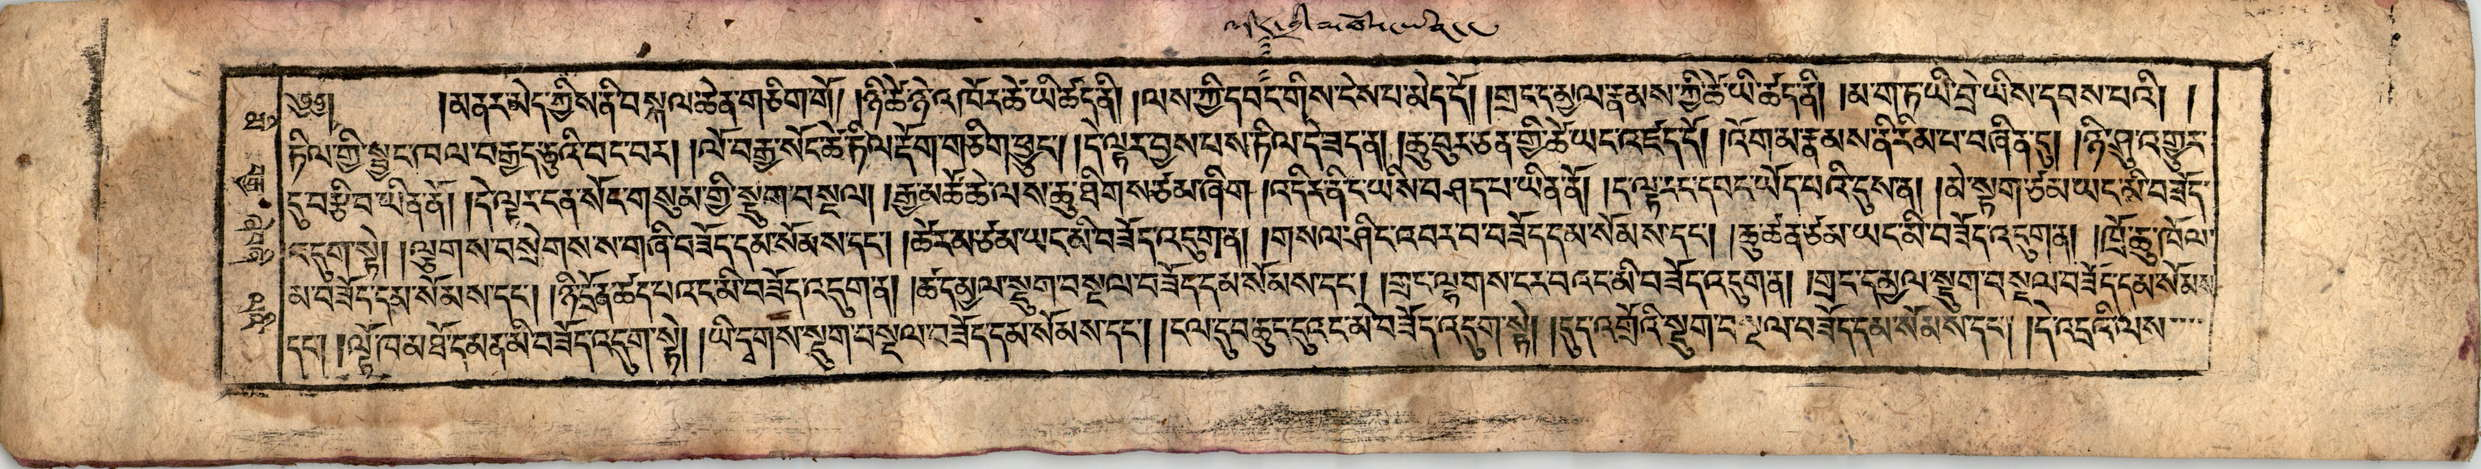མནར་མེད་ཀྱིས་ནི་བསྐལ་ཆེན་གཅིག་གོ། །ཉི་ཚེ་ཉེ་འཁོར་ཚེ་ཡི་ཚད་ནི། །ལས་ཀྱི་དབང་གིས་ངེས་པ་མེད་དོ། །གྲང་དམྱལ་རྣམས་ཀྱི་ཚེ་ཡི་ཚད་ནི། །མ་ག་ཏ་ཡི་བྲེ་ཡིས་དབབ་པའི། །
ཏིལ་གྱི་སྦྱང་ཁལ་བརྒྱད་ཅུའི་བང་བར། །ལོ་བརྒྱ་སོང་ཚེ་ཏིལ་རྡོག་གཅིག་ཕྱུང་། །དེ་ལྟར་བྱས་པས་ཏིལ་དེ་ཟད་ན། །ཆུ་བུར་ཅན་གྱི་ཚེ་ཡང་འཛད་དོ། །འོག་མ་རྣམས་ནི་རིམ་པ་བཞིན་དུ། །ཉི་ཤུ་འགྱུར་
དུ་བརྩི་བ་ཡིན་ནོ། །དེ་ལྟར་ངན་སོང་གསུམ་གྱི་སྡུག་བསྔལ། །རྒྱ་མཚོ་ཆེ་ལས་ཆུ་ཐིགས་ཙམ་ཞིག །འདིར་ནི་ང་ཡིས་བཤད་པ་ཡིན་ནོ། །ད་ལྟ་རང་དབང་ཡོད་པའི་དུས་ན། །མེ་སྟག་ཙམ་ཡང་མི་བཟོད་
འདུག་སྟེ། །ལྕགས་བསྲེགས་ས་གཞི་བཟོད་དམ་སོམས་དང་། །ཚེར་མ་ཙམ་ཡང་མི་བཟོད་འདུག་ན། །གསལ་ཤིང་འབར་བ་བཟོད་དམ་སོམས་དང་། །ཆུ་ཚན་ཙམ་ཡང་མི་བཟོད་འདུག་ན། །ཁྲོ་ཆུ་ཁོལ་
མ་བཟོད་དམ་སོམས་དང་། །ཉི་དྲོན་ཚད་པའང་མི་བཟོད་འདུག་ན། །ཚ་དམྱལ་སྡུག་བསྔལ་བཟོད་དམ་སོམས་དང་། །གྲང་ལྷགས་ངར་བའང་མི་བཟོད་འདུག་ན། །གྲང་དམྱལ་སྡུག་བསྔལ་བཟོད་ངམ་སོམས་
དང་། །ལྟོ་ཁ་མཐོ་དམན་མི་བཟོད་འདུག་སྟེ། །ཡི་དྭགས་སྡུག་བསྔལ་བཟོད་དམ་སོམས་དང་། །ངལ་དུབ་ཆུང་ངུའང་མི་བཟོད་འདུག་སྟེ། །དུད་འགྲོའི་སྡུག་བསྔལ་བཟོད་དམ་སོམས་དང་༑ །དེ་འདྲའི་ལས་